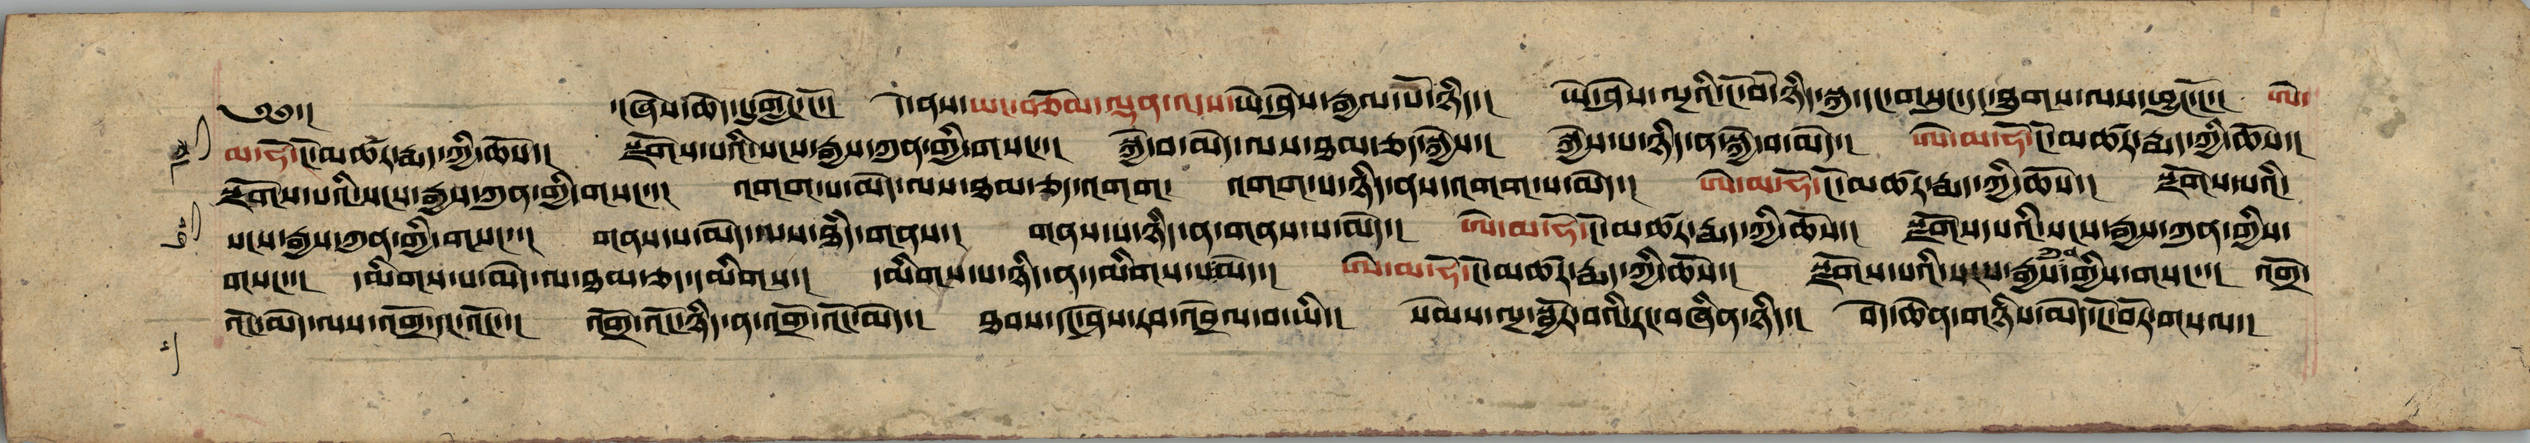༄༅་། ་།ཞེས་ཆེད་དུ་གླེང་ངོ་། དེ་ནས་ཡང་བཅོམ་ལྡན་འདས་ཡེ་ཤེས་རྒྱལ་པོ་ཉིད་། ཡེ་ཤེས་ལྔའི་ངོ་བོ་ཉིད་སྐུ་དང་གསུང་དང་ཐུགས་ལས་ཕྱུང་ངོ་། ཨེ་
མ་ཧོ་ངོ་མཚར་རྨད་ཀྱི་ཆོས་། སྫོགས་པའི་སངས་རྒྱས་ཀུན་གྱི་གསང་་། སྐྱེ་བ་མེད་ལས་ཐམས་ཅད་སྐྱེས་། སྐྱེས་པ་ཉིད་ན་སྐྱེ་བ་མེད་། ཨེ་མ་ཧོ་ངོ་མཚར་རྨད་ཀྱི་ཆོས་།
སྫོགས་པའི་སངས་རྒྱས་ཀུན་གྱི་གསང་་། འགག་པ་མེད་ལས་ཐམས་ཅད་འགག། འགག་པ་ཉིད་ནས་འགག་པ་མེད་། ཨེ་མ་ཧོ་ངོ་མཚར་རྨད་ཀྱི་ཆོས་། སྫོགས་པའི་
སངས་རྒྱས་ཀུན་གྱི་གསང་་། གནས་པ་མེད་པས་ཐཾད་གནས་། གནས་པ་ཉིད་ན་གནས་པ་མེད་། ཨེ་མ་ཧོ་ངོ་མཚར་རྨད་ཀྱི་ཆོས་། སྫོགས་པའི་སངས་རྒྱས་ཀུན་གྱིས་
གསང་་། དམིགས་པ་མེད་ལ་ཐམ་ཅད་དམིགས་། དམིགས་པ་ཉིད་ན་དམིགས་པ་མེད་། ཨེ་མ་ཧོ་ངོ་མཚར་རྨད་ཀྱི་ཆོས་། སྫོགས་པའི་སངས་རྒྱས་ཀུན་གྱིས་གསང་་། འགྲོ་
འོང་མེད་ལས་འགྲོ་དང་འོང་་། འགྲོ་འོང་ཉིད་ན་འགྲོ་འོང་མེད་། ཐབས་དང་ཤེས་རབ་འབྲེལ་བ་ཡི་། སེམས་ལྔ་སྦྱོར་བའི་རང་བཞིན་ཉིད་། བདེ་ཆེན་གཉིས་མེད་ངོ་བོར་གསལ་།